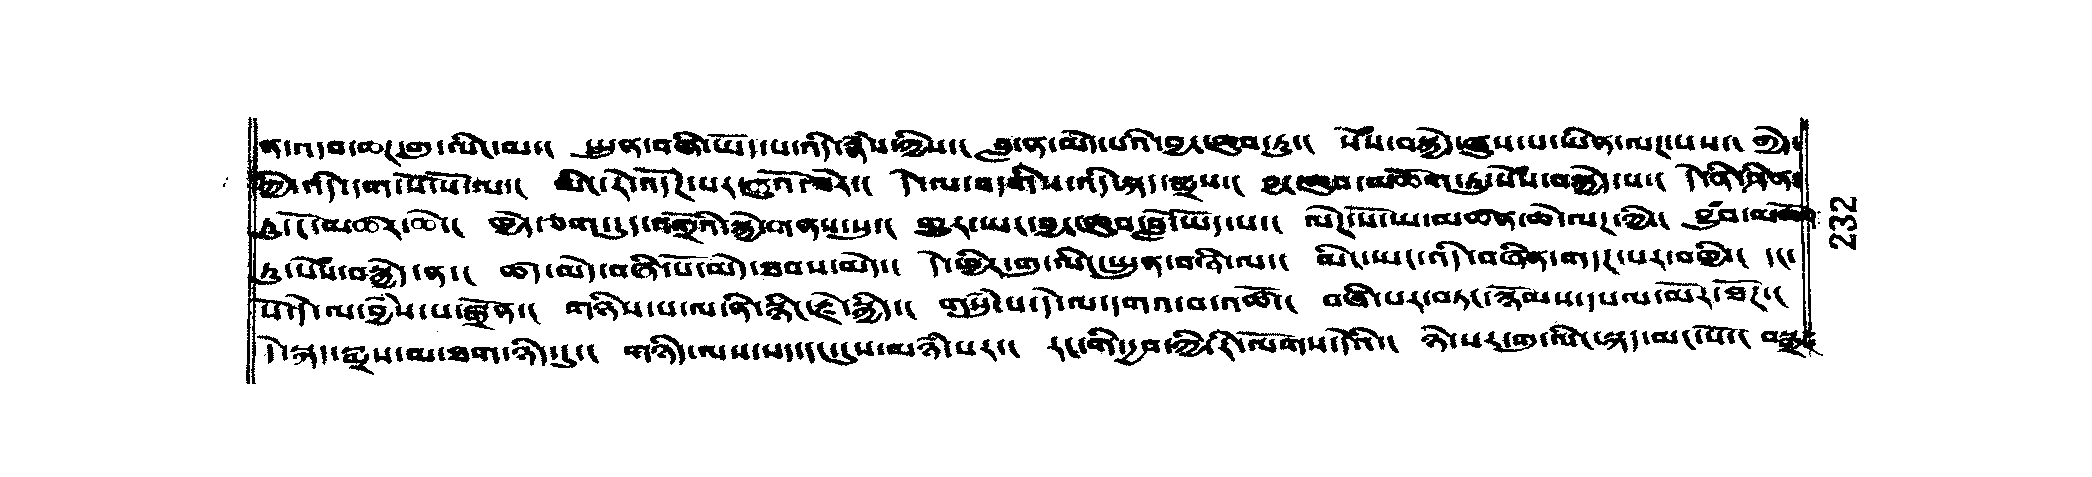ན་འདབ་ཆགས་གུ་ལིང་མ། །སྤུན་བཞི་ཡོད་པ་འདི་རྣམས་ཀྱིས། །བླ་ན་མེད་པའི་བྱང་ཆུབ་ཏུ། །སེམས་བསྐྱེད་ཞུས་པ་ཡིན་ལགས་པས། །ཁྱེད་
ཀྱི་འདི་དག་སོ་སོ་ལ། མིང་རེ་འདོགས་པར་ཞུའོ་ཟེར། །དེ་ལ་བདག་གིས་འདི་སྐད་སྨྲས། །བྱང་ཆུབ་མཆོག་ཏུ་སེམས་བསྐྱེད་པ། །དེ་ནི་ཤིན་
ཏུ་ངོ་མཚར་ཆེ། །ཁྱེད་ཅག་དུད་འགྲོའི་སྐྱེ་གནས་སུ། །གྱུར་ཡང་བྱང་ཆུབ་བློ་ཡོད་པ། །ལེགས་སོ་ཡ་མཚན་ཆེ་ལགས་ཀྱི། །བྱང་ཆུབ་མཆོག་
ཏུ་སེམས་བསྐྱེད་ན། །ཚད་མེད་བཞི་པོ་མེད་ཐབས་མེད། །དེ་ཕྱིར་གུ་ལིང་སྤུན་བཞི་ལ། །མིང་ཡང་འདི་བཞིན་གདགས་པར་བགྱི། །དང་
པོ་དེ་ལ་བྱམས་པ་སྒྲོན། །གཉིས་པ་ལ་ནི་སྙིང་རྗེ་སྐྱིད། །གསུམ་པ་དེ་ལ་དགའ་བ་འཚོ། །བཞི་པར་བཏང་སྙོམས་དཔལ་མོར་ཐོགས། །
དེ་སྐད་སྨྲས་མ་ཐག་ཉིད་དུ། །གཉིད་ལས་སད་དང་དུས་མཉམ་པར། །རང་གི་རྒྱབ་ཀྱི་རི་ལོགས་དེའི། །ཉེ་སར་གུ་ལིང་སྐད་མང་པོ། །བསྒྲགས་